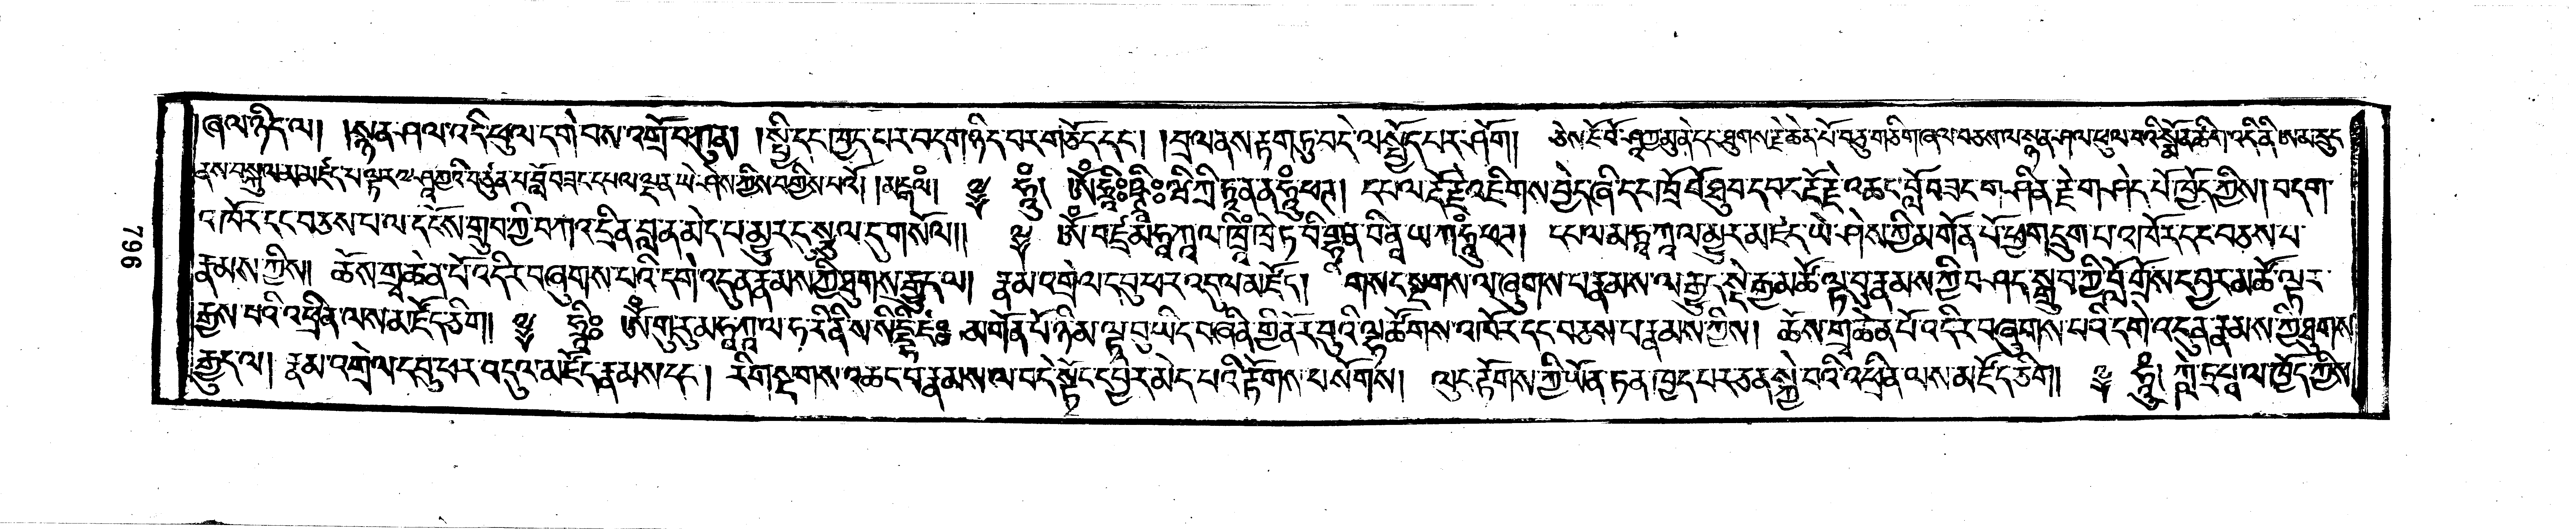ཞལ་ཉིད་ལ། །སྙན་ཤལ་འདི་ཕུལ་དགེ་བས་འགྲོ་བ་ཀུན། །སྤྱི་དང་ཁྱད་པར་བདག་ཉིད་པར་གཅོད་དང་། །བྲལ་ནས་རྟག་ཏུ་བདེ་ལ་སྤྱོད་པར་ཤོག། ཅེས་ཇོ་བོ་ཤཱཀྱ་མུ་ནེ་དང་ཐུགས་རྗེ་ཆེན་པོ་བཅུ་གཅིག་ཞལ་བཅས་ལ་སྙན་ཤལ་ཕུལ་པའི་སྨོན་ཚིག་འདི་ནི་ཨ་མ་དྲུང་
ནས་བསྐུལ་མ་མཛད་པ་ལྟར་༧་ཤཱཀྱའི་བཙུན་པ་བློ་བཟང་དཔལ་ལྡན་ཡེ་ཤེས་ཀྱིས་བགྱིས་པའོ། །མངྒ་ལཾ། ༈ ཧཱུཾ། ཨོཾ་ཧྲའིཿ ཥྚའིཿ ཝི་ཀྲི་ཏཱ་ན་ན་ཧཱུཾ་ཕཊ། དཔལ་རྡོ་རྗེ་འཇིགས་བྱེད་ཞི་དང་ཁྲོ་བོ་ཐུབ་དབང་རྡོ་རྗེ་འཆང་བློ་བཟང་གཤིན་རྗེ་གཤེད་པོ་ཁྱོད་ཀྱིས། བདག་
འཁོར་དང་བཅས་པ་ལ་དངོས་གྲུབ་ཀྱི་བཀའ་དྲིན་བླ་ན་མེད་པ་མྱུར་དུ་སྩལ་དུ་གསོལ།། ༈ ཨོཾ་བཛྲ་མ་ཧཱ་ཀཱ་ལ་ཁྲིཾ་ཁྲེ་ཏ་བི་གྷ་ན་བི་ནཱ་ཡ་ཀཾ་ཧཱུཾ་ཕཊ། དཔལ་མ་ཧཱ་ཀཱ་ལ་མྱུར་མཛད་ཡེ་ཤེས་ཀྱི་མགོན་པོ་ཕྱག་དྲུག་པ་འཁོར་དང་བཅས་པ་
རྣམས་ཀྱིས། ཆོས་གྲྭ་ཆེན་པོ་འདིར་བཞུགས་པའི་དགེ་འདུན་རྣམས་ཀྱི་ཐུགས་རྒྱུད་ལ། རྣམ་འགྲེལ་དབུ་ཕར་འདུལ་མཛོད། གསང་སྔགས་ལ་ཞུགས་པ་རྣམས་ལ་རྒྱུད་སྡེ་རྒྱ་མཚོ་ལྟ་བུ་རྣམས་ཀྱི་བཤད་སྒྲུབ་ཀྱི་བློ་གྲོས་དབྱར་མཚོ་ལྟར་
རྒྱས་པའི་འཕྲིན་ལས་མཛོད་ཅིག། ༈ ཧྲའིཿ ཨོཾ་གུ་རུ་མ་ཧཱ་ཀཱ་ལ་ཧ་རི་ནི་ས་སིདྡྷི་ཛཿ མགོན་པོ་ཉི་མ་ལྟ་བུ་ཡིད་བཞིན་གྱི་ནོར་བུའི་ལྷ་ཚོགས་འཁོར་དང་བཅས་པ་རྣམས་ཀྱིས། ཆོས་གྲྭ་ཆེན་པོ་འདིར་བཞུགས་པའི་དགེ་འདུན་རྣམས་ཀྱི་ཐུགས་
རྒྱུད་ལ། རྣམ་འགྲེལ་དབུ་ཕར་འདུལ་མཛོད་རྣམས་དང་། རིག་སྔགས་འཆང་པ་རྣམས་ལ་བདེ་སྟོང་དབྱེར་མེད་པའི་རྟོགས་པ་སོགས། ལུང་རྟོགས་ཀྱི་ཡོན་ཏན་ཁྱད་པར་ཅན་སྐྱེ་བའི་འཕྲིན་ལས་མཛོད་ཅིག། ༈ ཧཱུཾ་ཀྵེ་ཏྲ་པཱ་ལ་ཁྱོད་ཀྱིས་